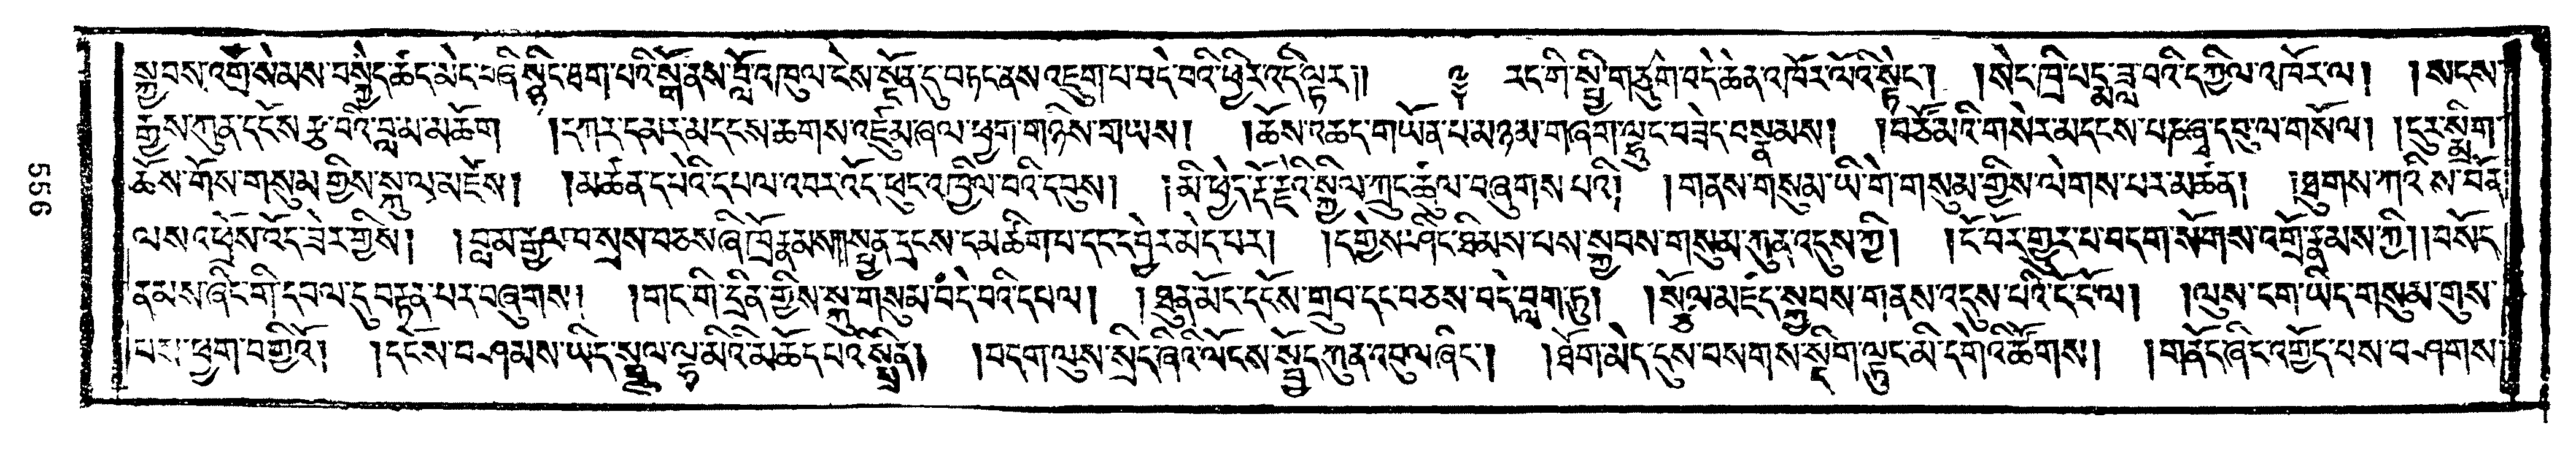སྐྱབས་འགྲོ་སེམས་བསྐྱེད་ཚད་མེད་བཞི་སྙིང་ཐག་པའི་སྒོ་ནས་བློ་འཁུལ་ངེས་སྔོན་དུ་བཏང་ནས་འཇུག་པ་བདེ་བའི་ཕྱིར་འདི་ལྟར།། ༈ རང་གི་སྤྱི་གཙུག་བདེ་ཆེན་འཁོར་ལོའི་སྟེང་། །སེང་ཁྲི་པདམ་ཟླ་བའི་དཀྱིལ་འཁོར་ལ། །སངས་
རྒྱས་ཀུན་དངོས་རྩ་བའི་བླ་མ་མཆོག །དཀར་དམར་མདངས་ཆགས་འཛུམ་ཞལ་ཕྱག་གཉིས་གཡས། །ཆོས་འཆད་གཡོན་པ་མཉམ་གཞག་ལྷུང་བཟེད་བསྣམས། །བཙོ་མའི་གསེར་མདངས་པཎ་ཞྭ་དབུ་ལ་གསོལ། །དུར་སྨྲིག་
ཆོས་གོས་གསུམ་གྱིས་སྐུ་ལ་མཛེས། །མཚན་དཔེའི་དཔལ་འབར་འོད་ཕུང་འཁྱིལ་བའི་དབུས། །མི་ཕྱེད་རྡོ་རྗེའི་སྐྱིལ་ཀྲུང་ཚུལ་བཞུགས་པའི། །གནས་གསུམ་ཡི་གེ་གསུམ་གྱིས་ལེགས་པར་མཚན། །ཐུགས་ཀའི་ས་བོན་
ལས་འཕྲོས་འོད་ཟེར་གྱིས། །བླ་མ་རྒྱལ་བ་སྲས་བཅས་ཞི་ཁྲོ་རྣམས། །སྤྱན་དྲངས་དམ་ཚིག་པ་དང་དབྱེར་མེད་པར། །དགྱེས་ཤིང་ཐིམས་པས་སྐྱབས་གསུམ་ཀུན་འདུས་ཀྱི། །ངོ་བོར་གྱུར་པ་བདག་སོགས་འགྲོ་རྣམས་ཀྱི། །བསོད་
ནམས་ཞིང་གི་དབལ་དུ་བརྟན་པར་བཞུགས། །གང་གི་དྲིན་གྱིས་སྐུ་གསུམ་བདེ་བའི་དཔལ། །ཐུན་མོང་དངོས་གྲུབ་དང་བཅས་བདེ་བླག་ཏུ། །སྩོལ་མཛད་སྐྱབས་གནས་འདུས་པའི་ངོ་བོ་ལ། །ལུས་ངག་ཡིད་གསུམ་གུས་
པས་ཕྱག་བགྱིའོ། །དངོས་བཤམས་ཡིད་སྤྲུལ་ལྷ་མིའི་མཆོད་པའི་སྤྲིན། །བདག་ལུས་སྲིད་ཞིའི་ལོངས་སྤྱོད་ཀུན་འབུལ་ཞིང་། །ཐོག་མེད་དུས་བསགས་སྡིག་ལྟུང་མི་དགེའི་ཚོགས། །གནོད་ཞིང་འགྱོད་པས་བཤགས་